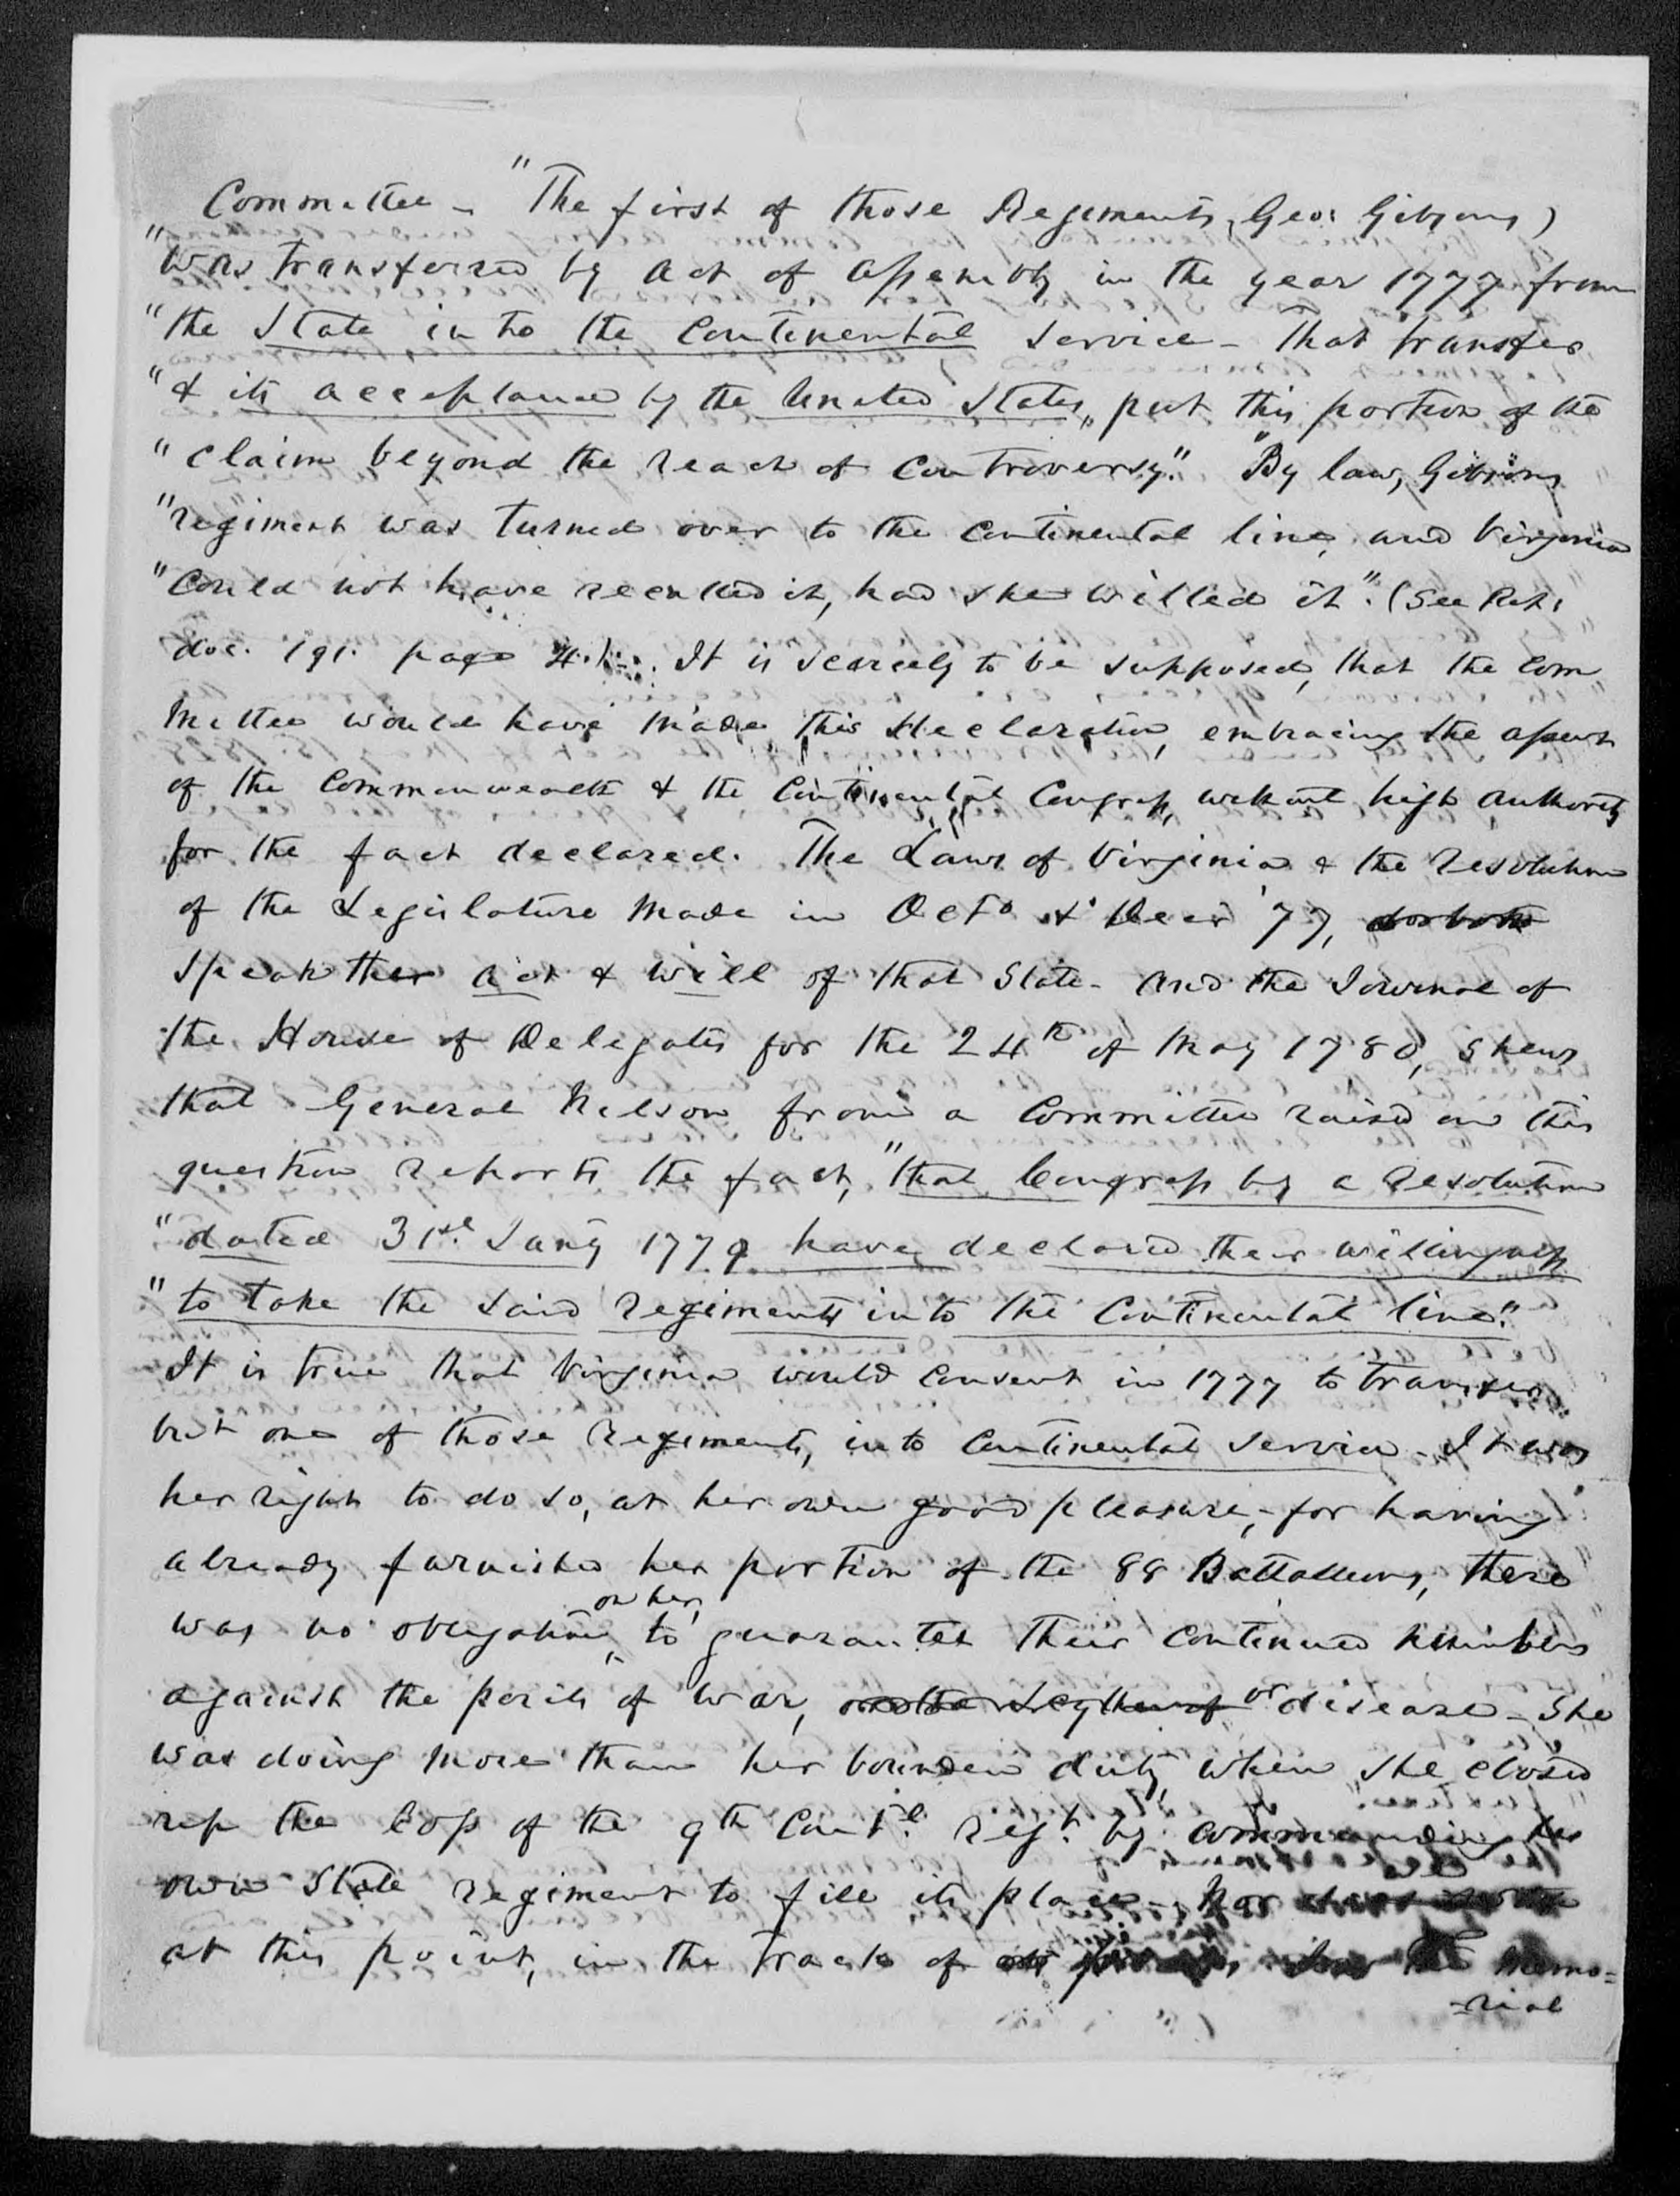Committee.  "The first of those regiments, Geo. Gibsons, was transferred by act of Assembly in the year 1777 from the State into the Continental service.  Than transfer & its acceptance by the United States put this portion of the claim beyond the reach of controversy." " By law, Gibson's regiment was turned over to the Continental line and Virginia could not have recalled it, had she willed it." (See ref: doc. 191 page 4.)  It is scarcely to be supposed, that the committee would have made this declaration, embracing the assent of the Commonwealth & the Continental Congress without high authority for the fact declared.  The Laws of Virginia & the Resolution of the Legislature made in Octo. & Decr.  '77 [illegible] speak the act and will of that state.  And the journal of the House of Delegates for the 24th of May 1780, shews that General Nelson from a Committee raised on this question reports the fact "that Congress by a resolution dated 31st Jany 1779 have declared their willingness to take the said regiment into the Continental line."  It is true that Virginia could consent in 1777 to transfer but one of those regiments, into Continental service.   It was her right to do so, at her own good pleasure, for having already furnished her portion of the 88 battalions, there was no obligation on her to guarantee their continued numbers against the perils of war or disease.  She was doing more than her bounden duty when she closed up the top of the 9th Cont'l. reg't. by commanding her own state regiments to fill its place.  Nor was she at tis point, in the track of [obscured] memorial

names: Nelson, Geo Gibson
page: 225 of 267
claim: widow's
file: W. 4,149, William Campbell, Va.